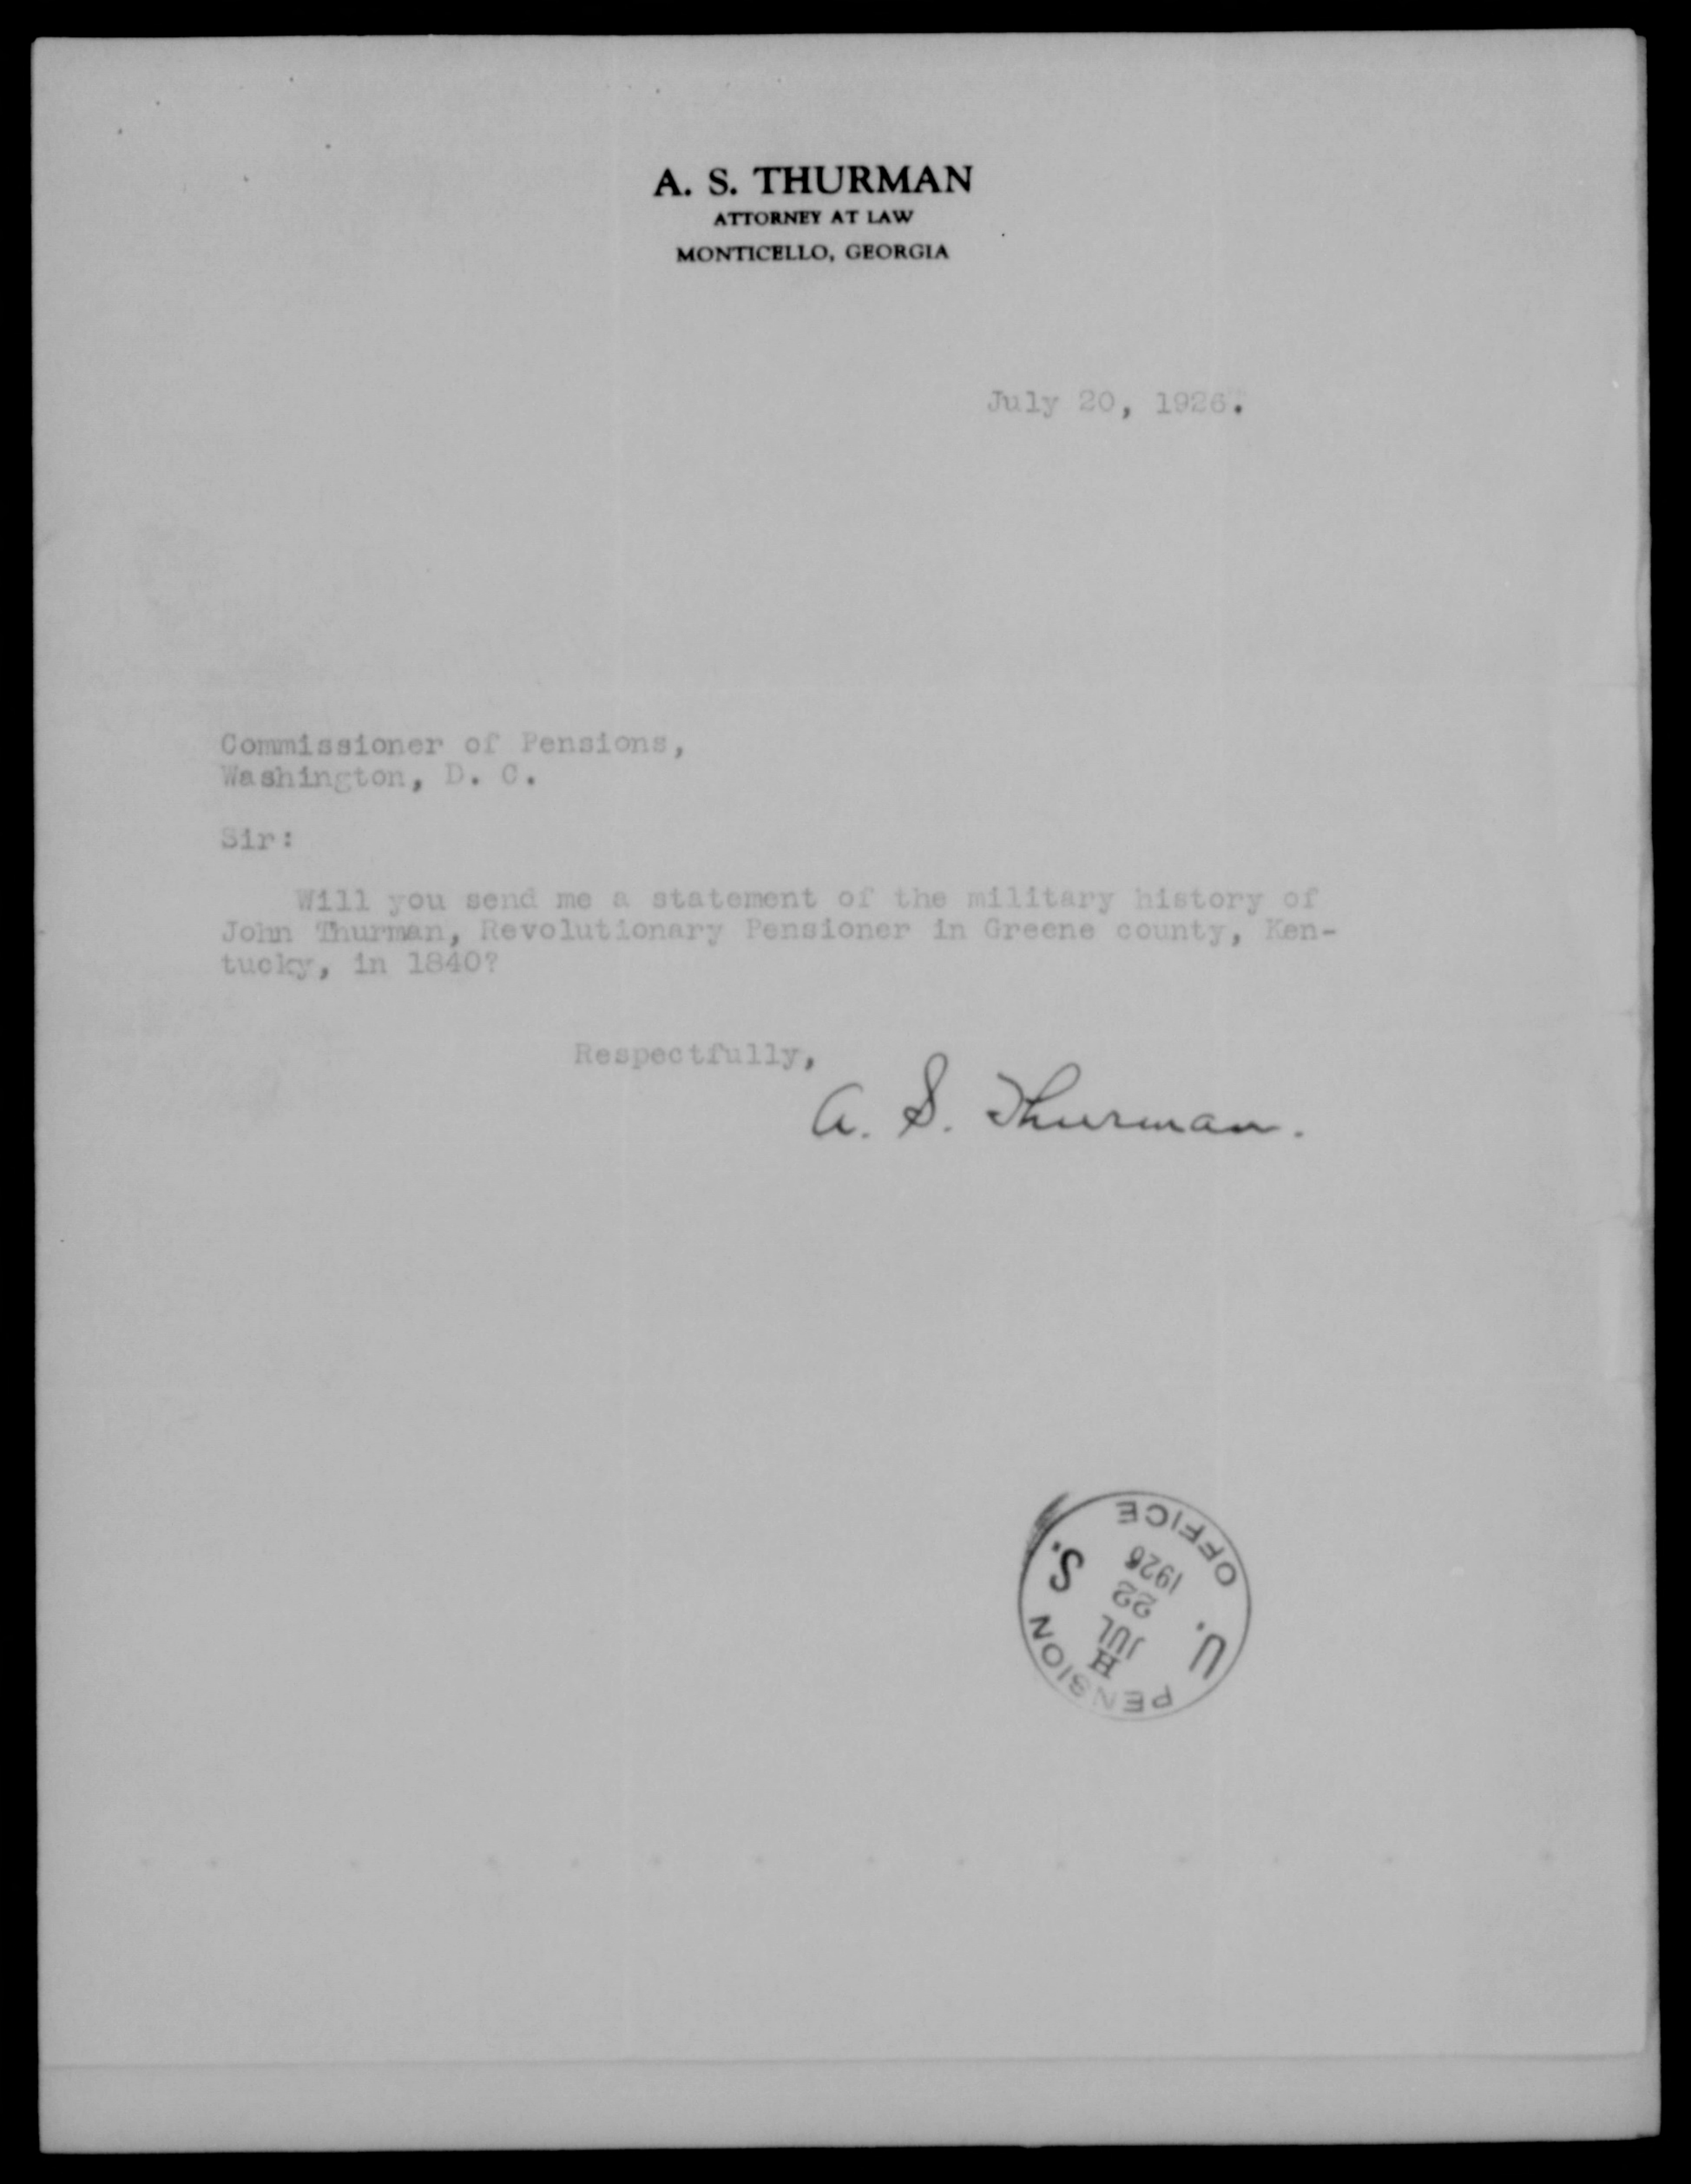A. S. THURMAN
ATTORNEY AT LAW
MONTICELLO, GEORGIA

July 20, 1926.

Commissioner of Pensions,
Washington, D. C.

Sir:

Will you send me a statement of the military history of John Thurman, Revolutionary Pensioner in Greene county, Kentucky, in 1840?

Respectfully,
A. S. Thurman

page: 43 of 53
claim: widow's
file: W. 6,267, for John Thurman, Georgia